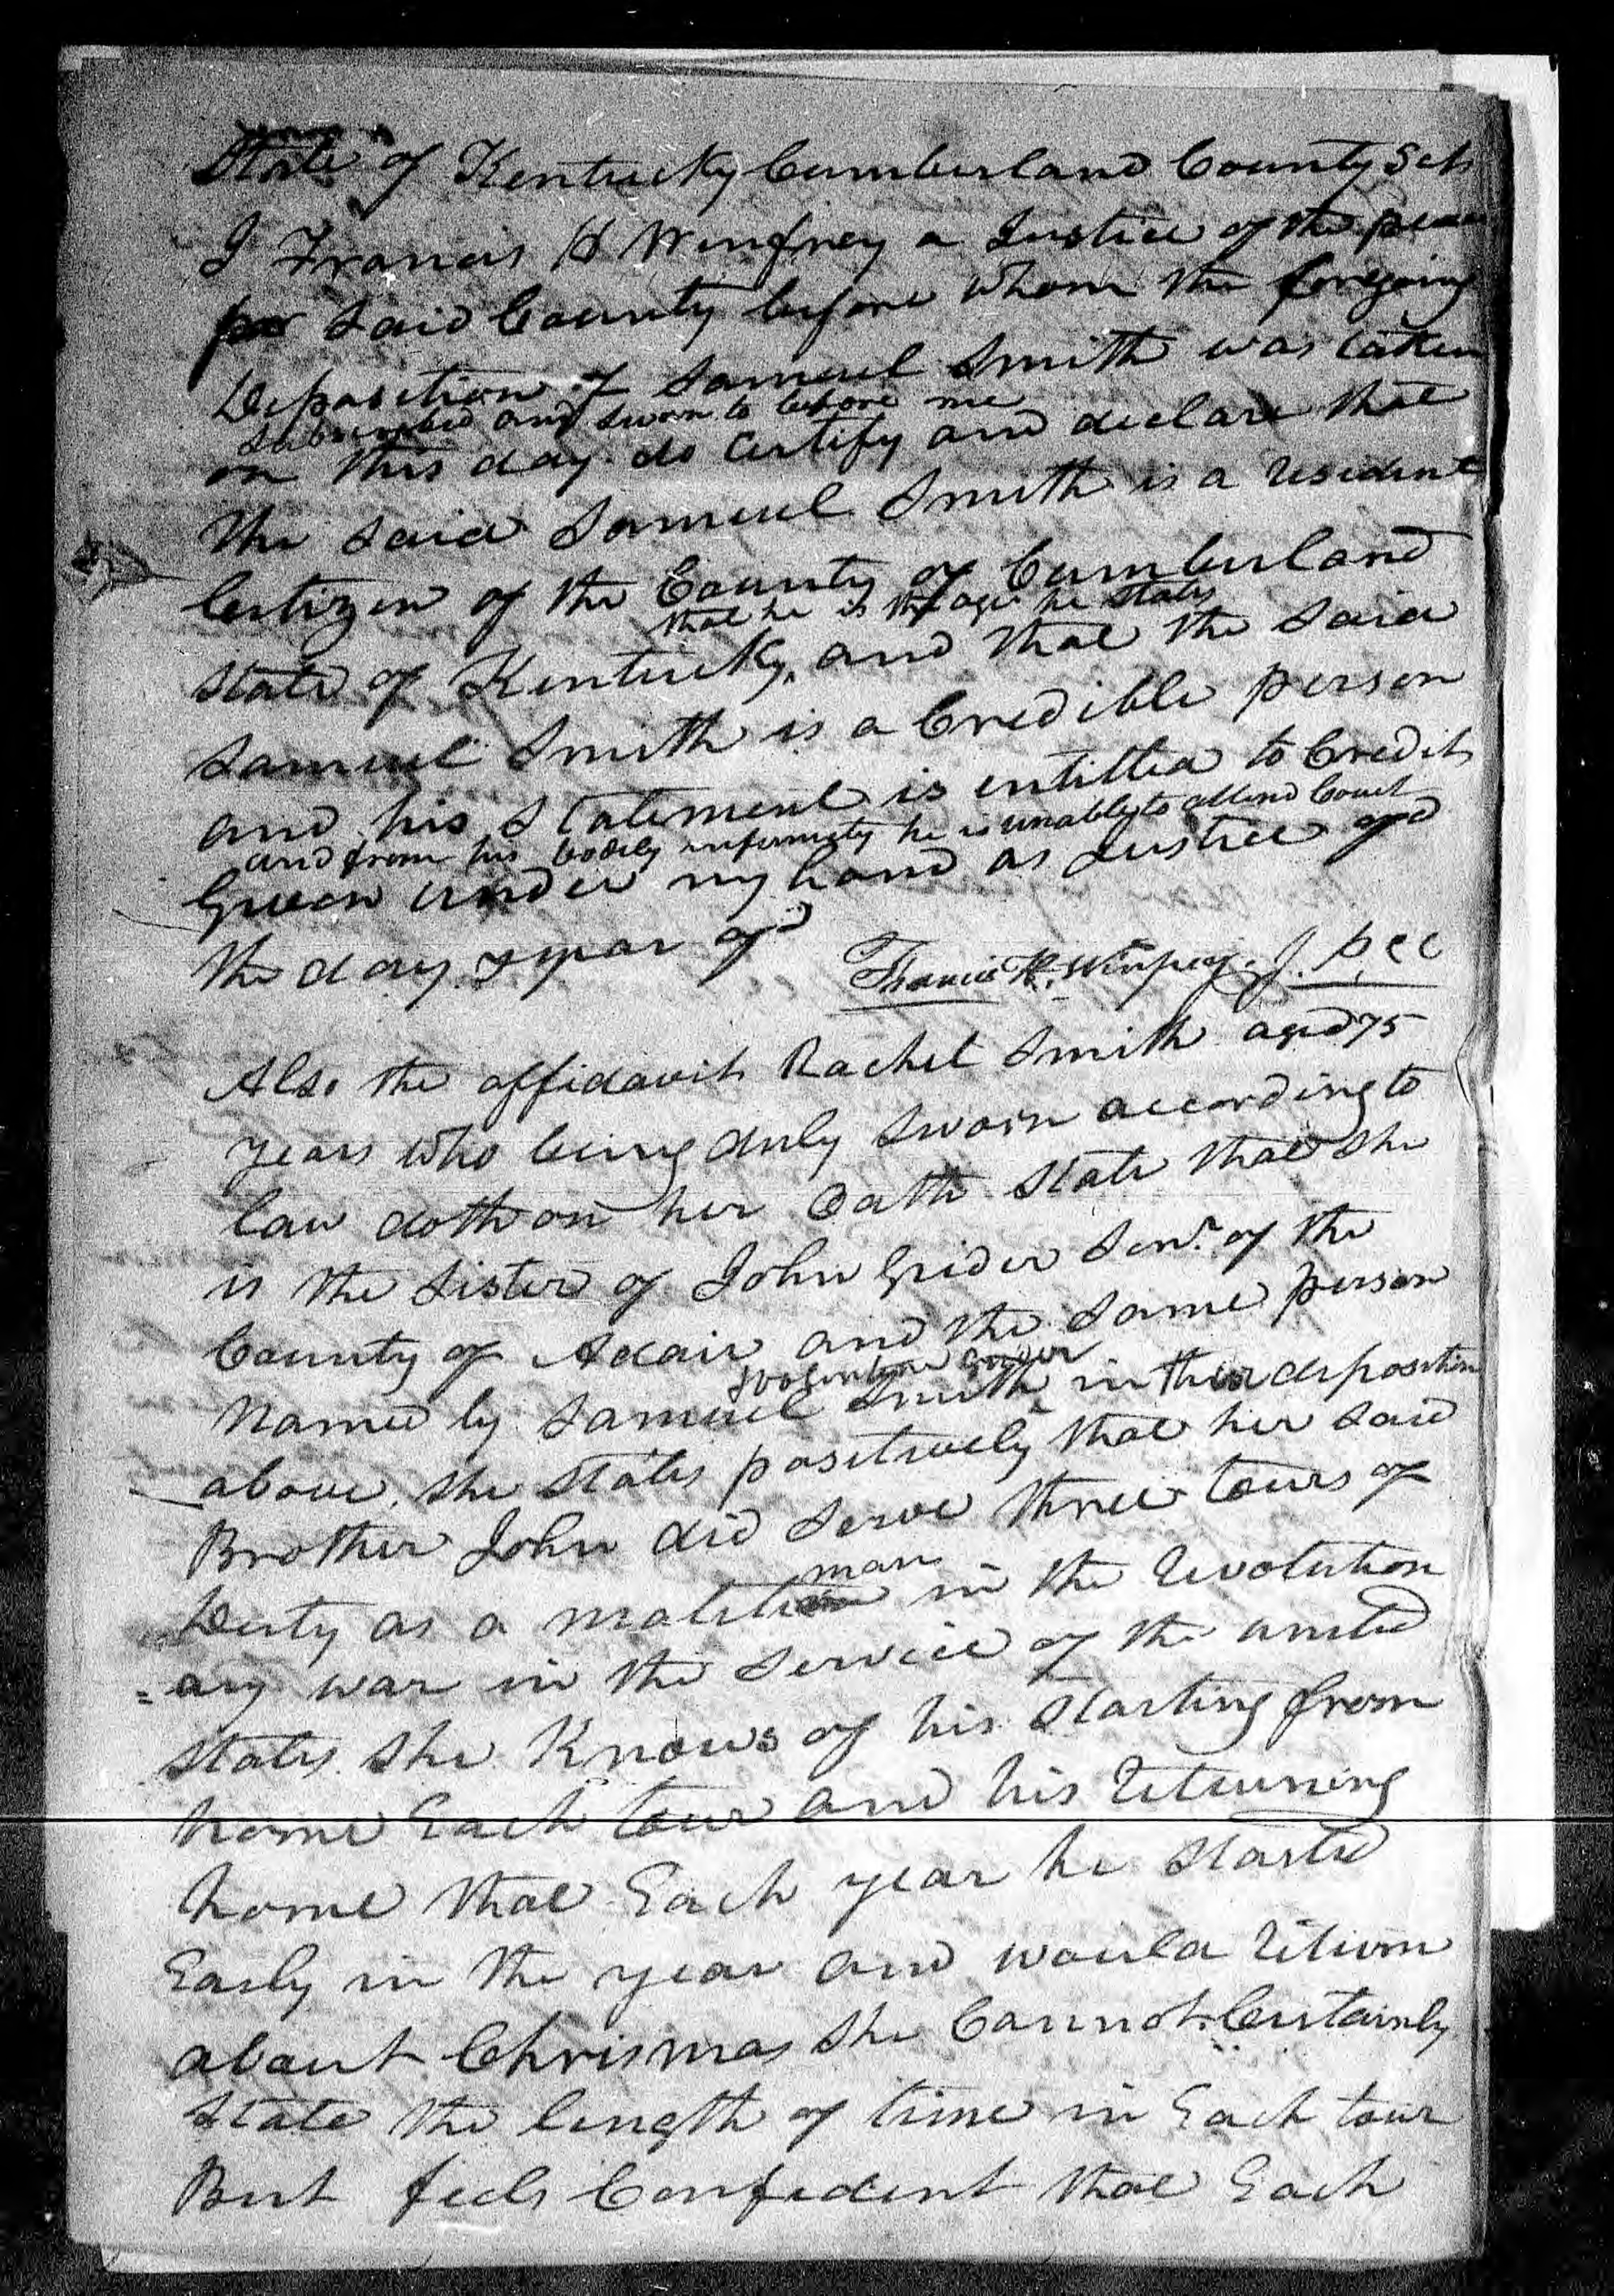State of Kentucky Cumberland County [illegible]
I Francis H Winfrey a Justice of the Peace for said county before whom the forgoing deposition of Samuel Smith was taken subscribed and sworn to before me on this day do certify and declare that the said Samuel Smith is a resident [illegible] in of the county of Cumberland State of Kentucky that he is the age he states and that the said Samuel Smith is a credible person and his statement is entitled to credit and from his bodily infirmity he is unable to attend court. Given under my hand as Justice [illegible] the day and year said.[signed] Francis H Winfrey JP CC
Also the affidavit Rachel Smith aged 75 years who being duly sworn according to law doth on her oath state that she is the sister of John Grider Senr of the county of Adair and the same person named by Samuel Smith  and Valentine Grider in their deposition above. She states positively  that her said brother John did serve three tours of duty as a malitiaman [militiaman] in the Revolutinary war in the service of the United States. She knows of his starting from home each tour and his returning home that each year he starts early in the year and would return about Chrismas [Christmas] She cannot [illegible] state the length of time in each tour but feels confident that each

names: Francis H Winfrey, Rachel Smith, John, Samuel Smith, John Grider, Volentine Grider, Francis H Winfrey, Samuel Smith, Samuel Smith, Samuel Smith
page: 86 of 91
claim: widow's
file: W 358, John Grider, N.C.